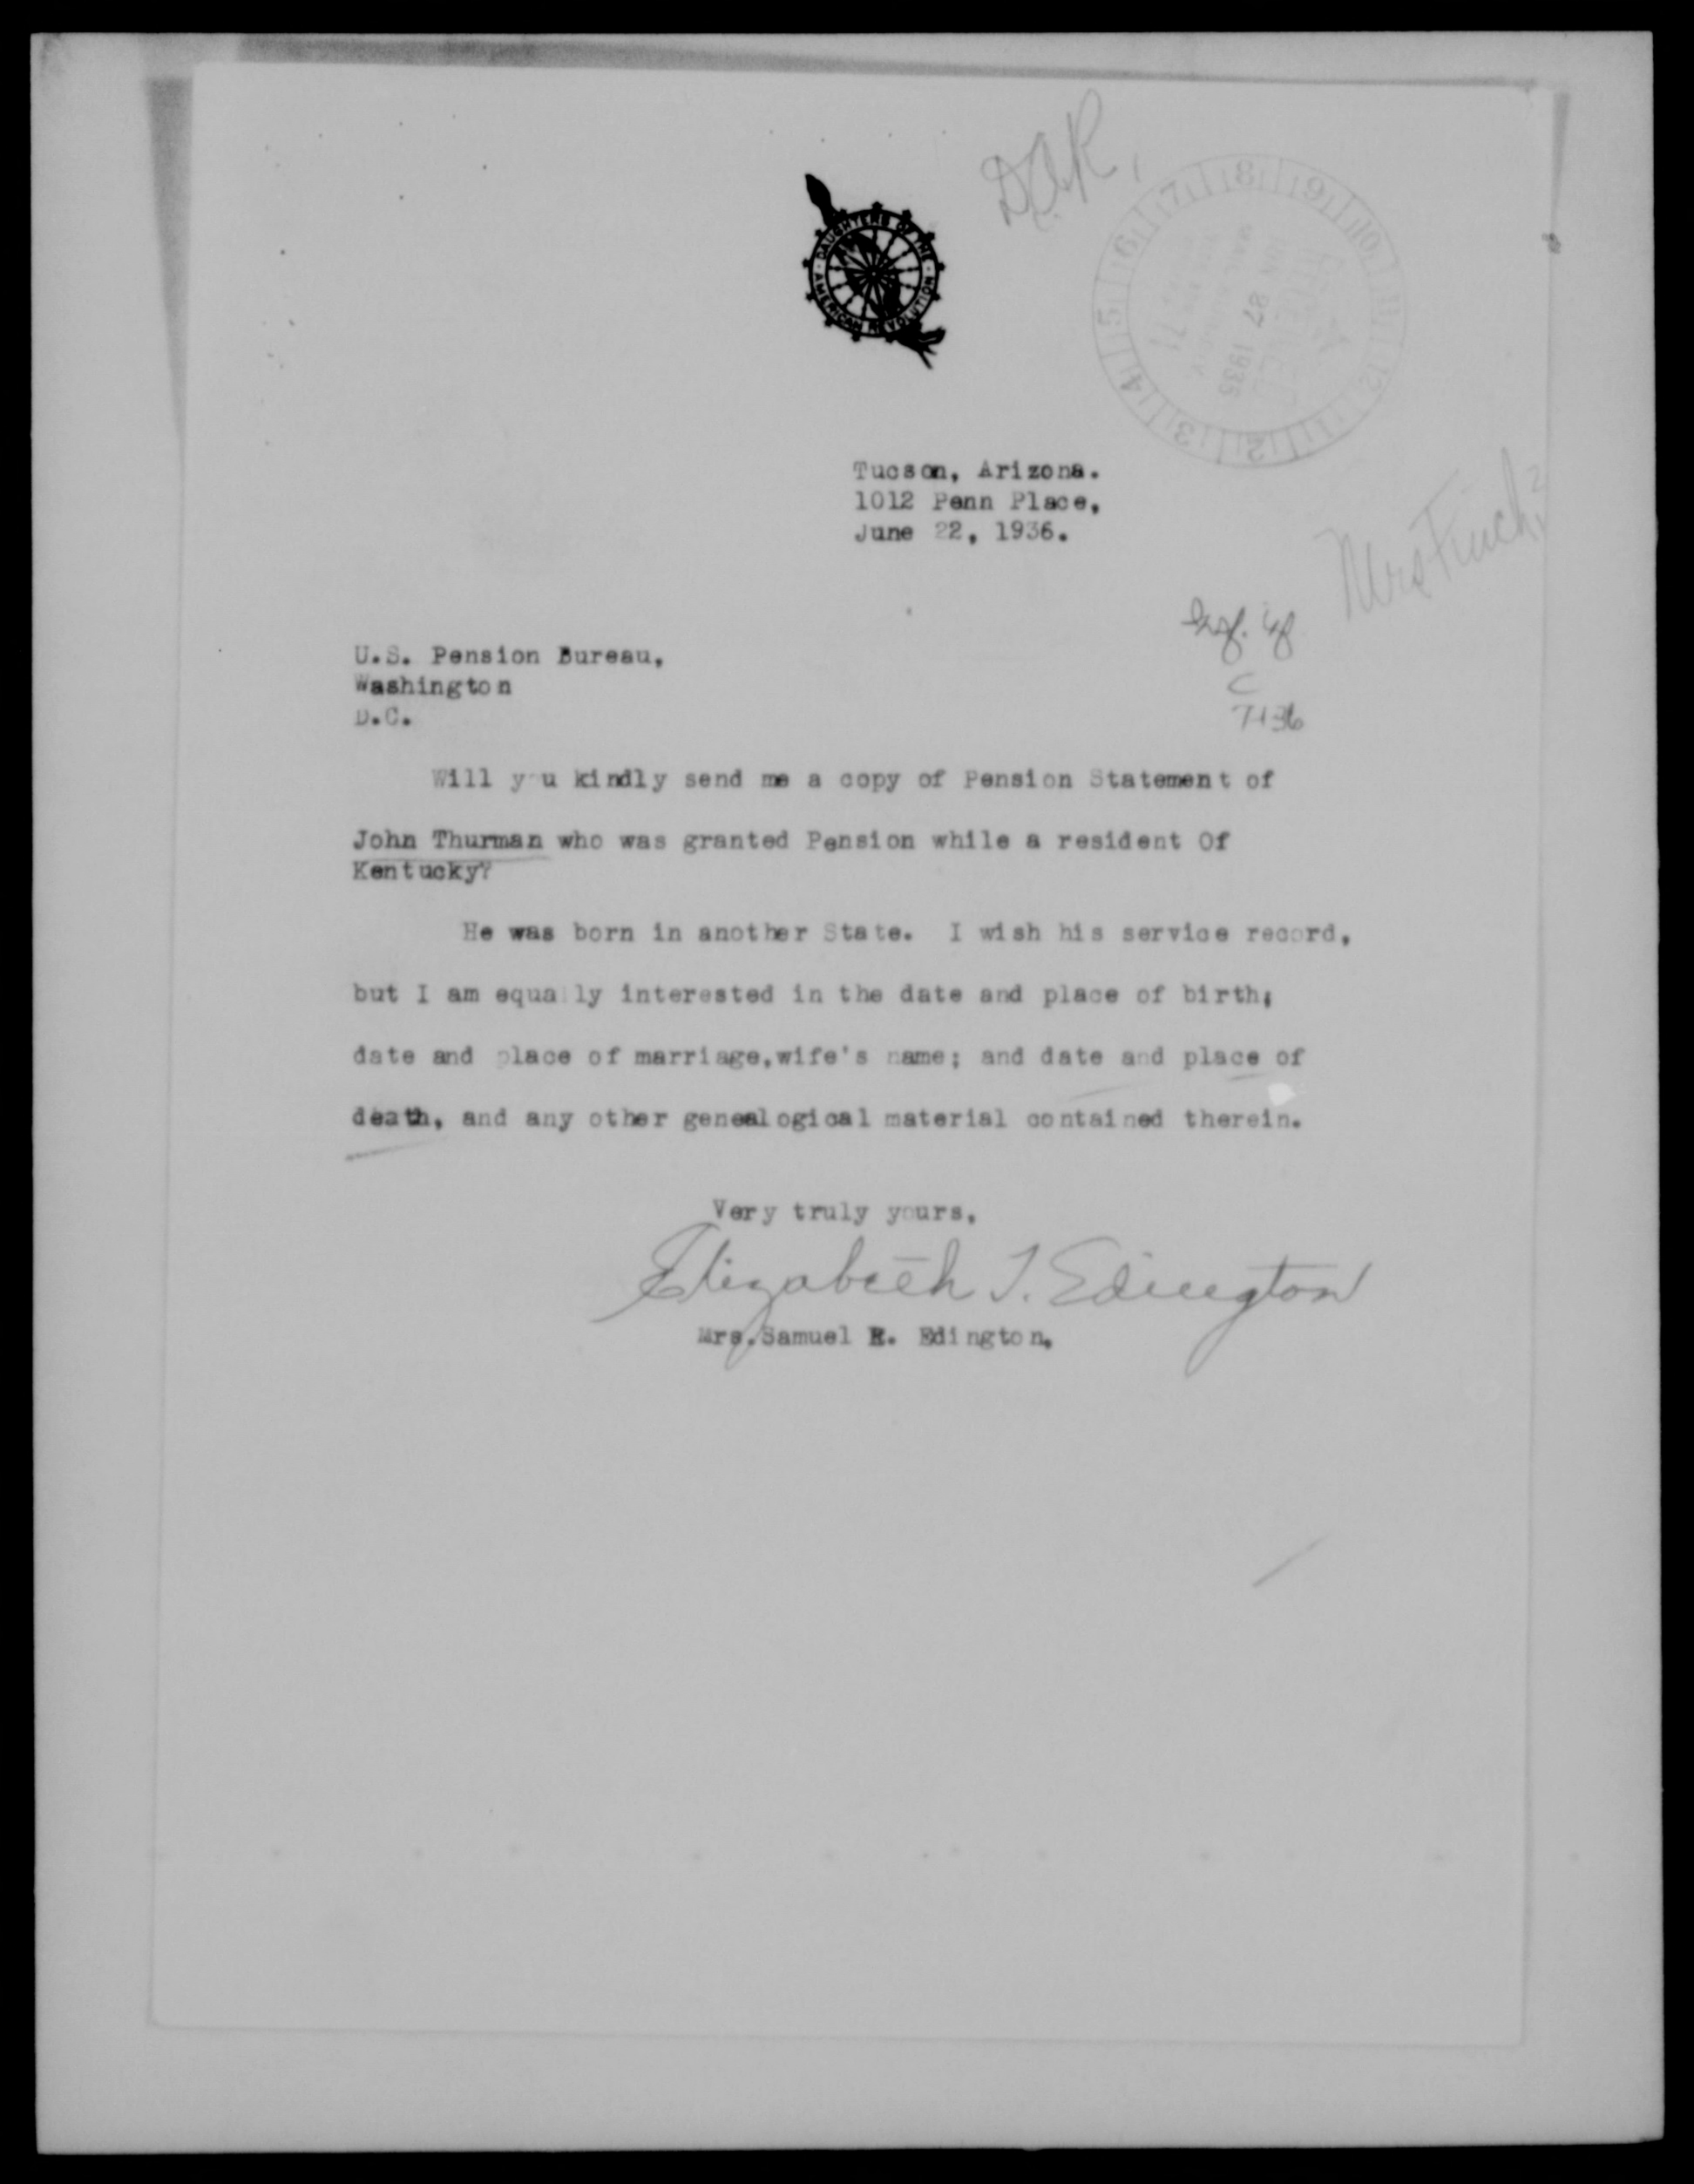Tucson, Arizona.
1012 Penn Place,
June 22, 1936.

U. S. Pension Bureau,
Washington D. C.

Will you kindly send me a copy of Pension Statement of John Thurman who was granted Pension while a resident of Kentucky?

He was born in another State. I wish his service record, but I am equally interested in the date and place of birth;
date and place of marriage, wife's name; and date and place of
death, and any other genealogical material contained therein.

Very truly yours,
Elizabeth T. Edington
Mrs. Samuel E. Edington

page: 42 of 53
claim: widow's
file: W. 6,267, for John Thurman, Georgia